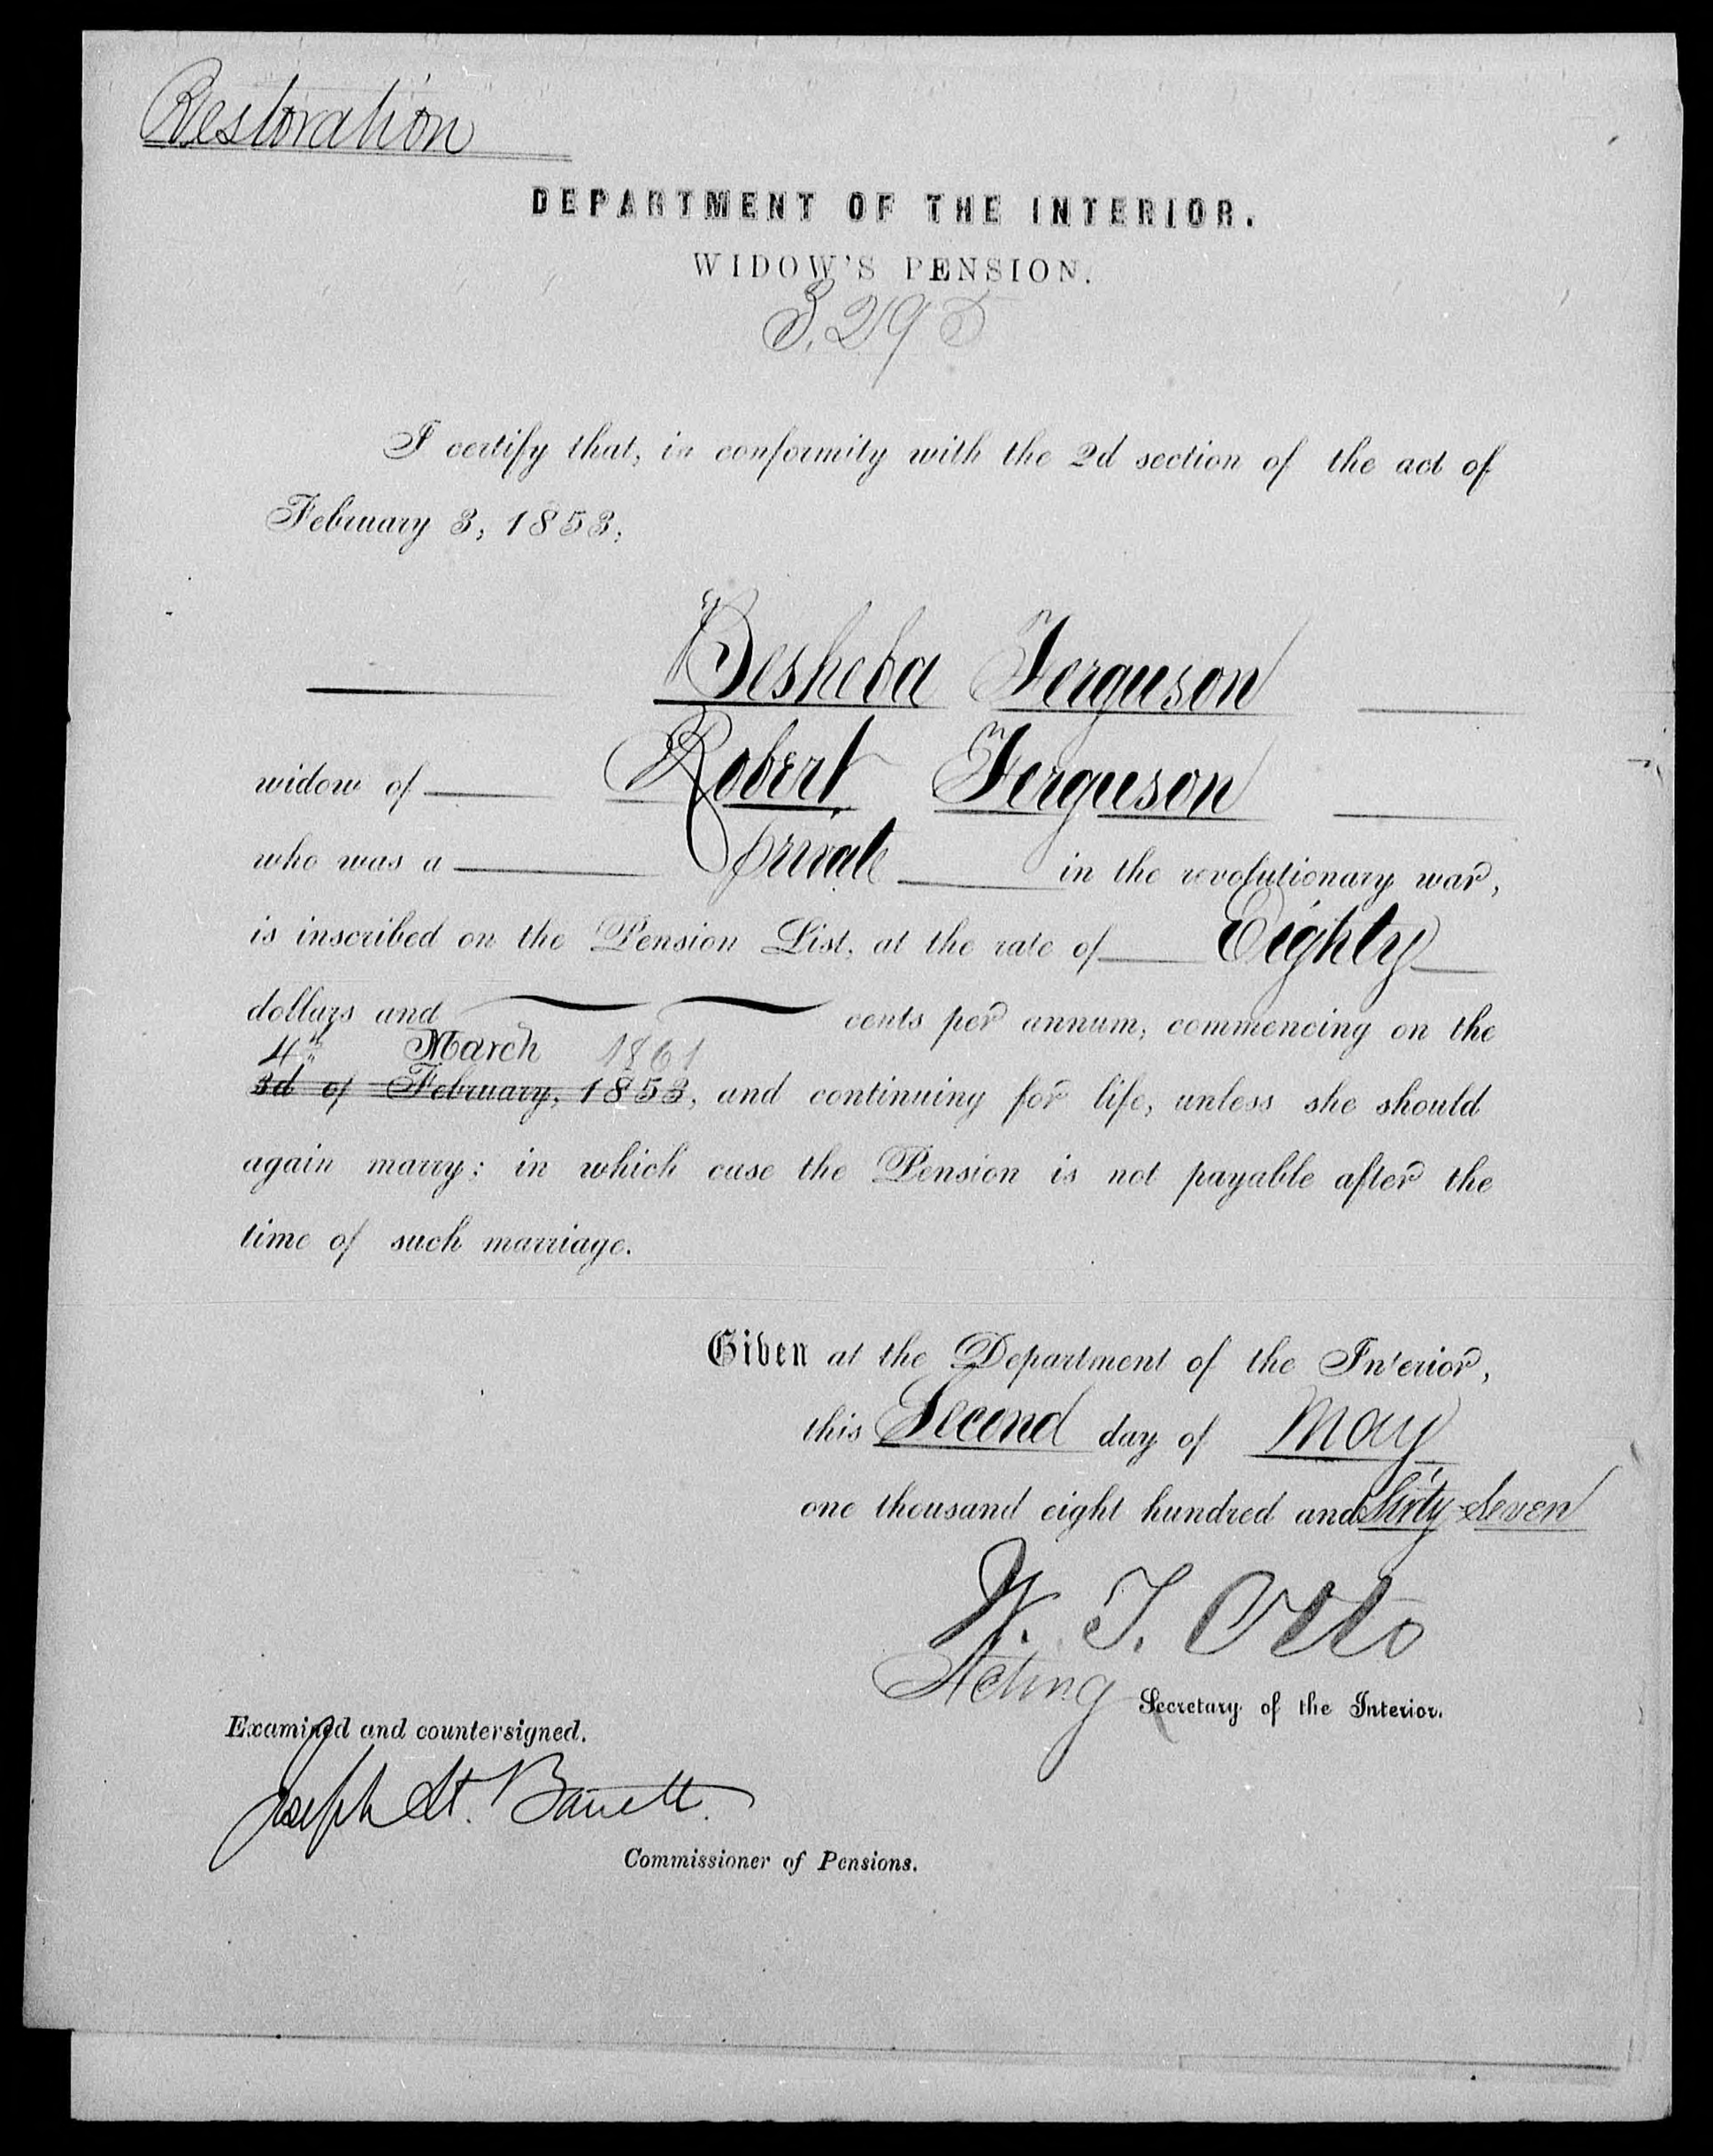Restoration
Department of the Interior.
Widow's Pension
I certify that, in conformity with teh 2d section of the act of February 3, 1853, Besheba Ferguson widow of Robert Ferguson who was a private in the revolutionary war, is inscribed on the Pension List, at the rate of Eighty dollars and ~~ cents per annum, commencing on the 4th March 1861, and continuing for life, unless she should again marry; in which case the Pension is not payable fter the time of such marriage.
Given at the Department of the Interior, this Second day of May one thousand eight hundred and Sixty Seven
W.T. Otto
Acting Secretary of the Interior
Examind and countersigned, Joseph H Barrett Commissioner of Pensions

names: W T Otto, Robert Ferguson, Joseph H Barrett, Besheba Ferguson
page: 41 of 81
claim: widow's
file: W. 7262, Robert Ferguson, Va.